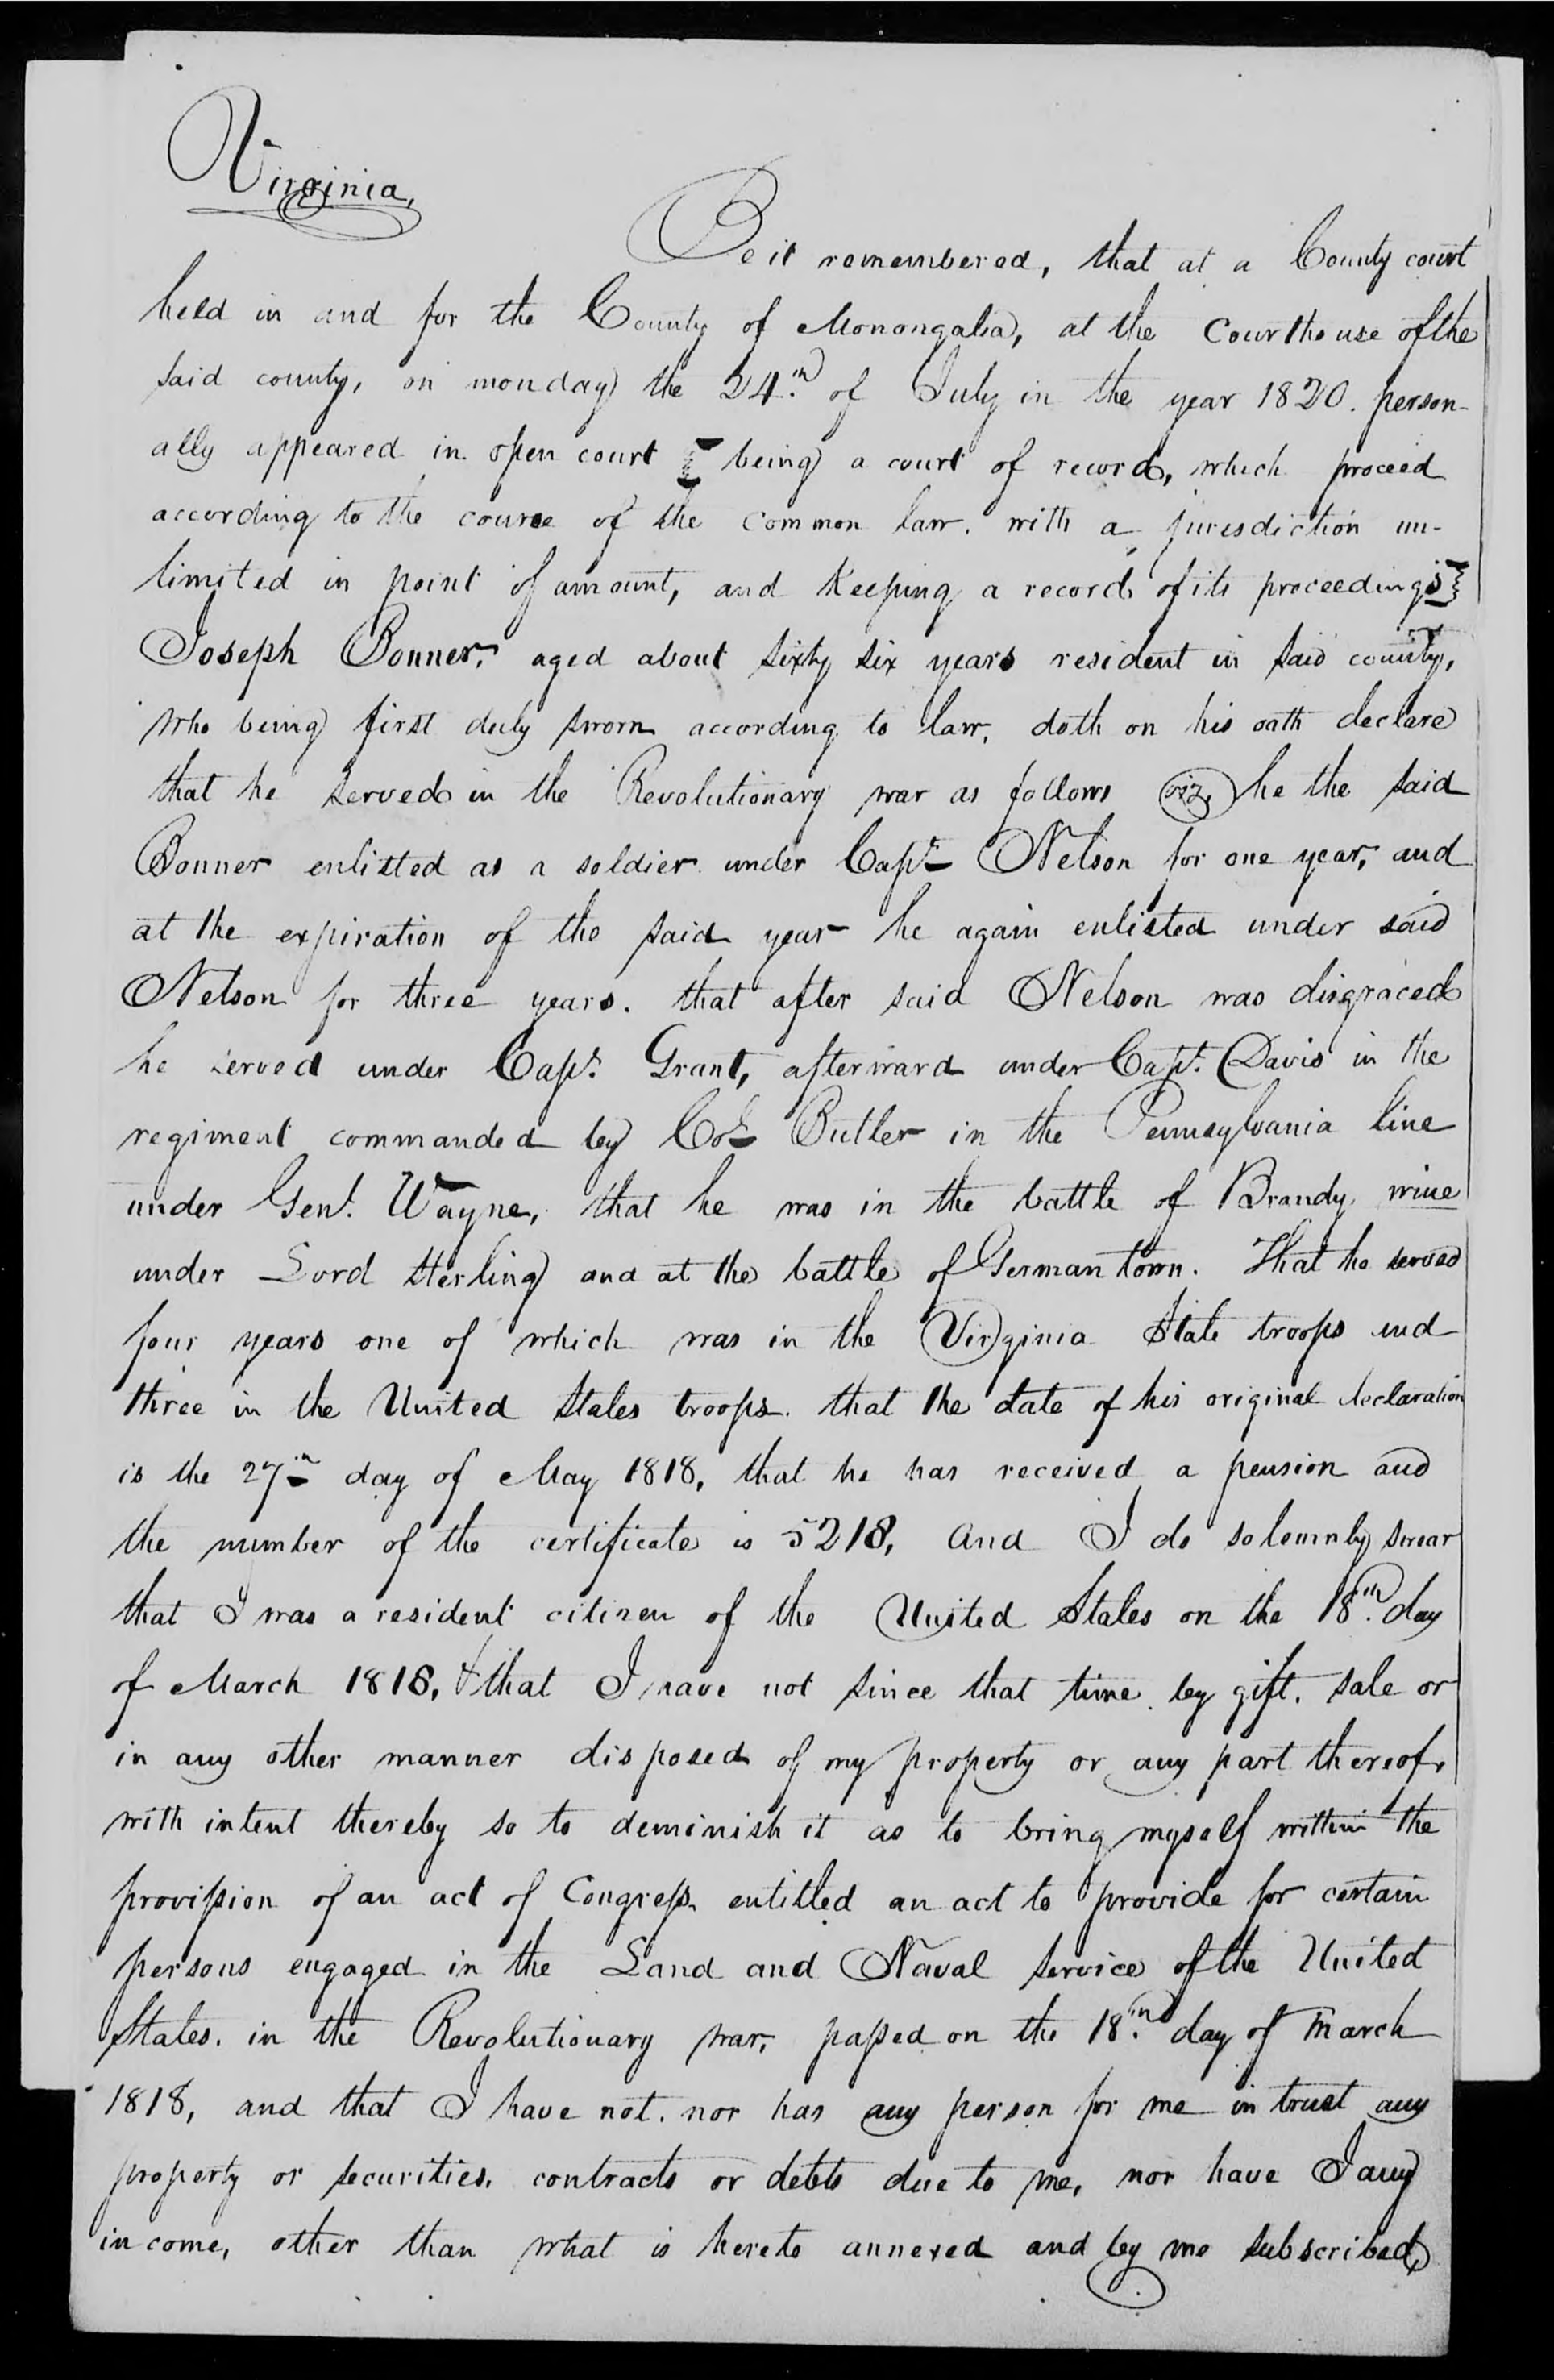Virginia
Be it remembered, that at a County court held in and for the County of Monongalia, at the Courthouse of the said county, on Monday the 24th of July in the year 1820. Personally appeared in open court {being a court of record, which proceed according to the course of the common law, with a jurisdiction unlimited in point of amount, and keeping a record like proceedings} Joseph Bonner aged about sixty six years, resident in said county who being first duly sworn according to law, doth on his oath declare that he served in the Revolutionary war as follows. He the said Bonner enlisted as a soldier under Capt. Nelson for one year, and at the exjuration of the said year he again enlisted under said Nelson for three years. That after said Nelson was disgraced he served under Capt. Grant, afterward under Capt. Davies in the regiment commanded by CS Butler in the Pennsylvania line under Gen. Wayne, that he was in the battle of Brandywine under Lord Herling and at the battle of Germantown. Then he served four years one of which was in the Virginia State troops and three in the United States troops. That the date of his original declaration is the 27th of May 1818, that he had received a pension and the number of the certificate is 5218, and I do solemnly swear that I was a resident citizen of the United States on the 18th day of March 1818, and that I have not [unintelligible] that time by gift, sale or in any other manner disposed of my property or any part thereof, with intent thereby so to diminish it as to bring myself written the provision of an act Congress entitled an act to provide for certain persons engaged in the Land and Naval Armies of the United States in the Revolutionary war. Payed on the 18th day of March 1818, and that I have not nor has any person for me in trust any property or securities, contracts or debt due to me, nor have I any income, other than what is hereto annexed and by me subscribed,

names: Wayne, Nelson, Nelson, Davis, Butler, Grant, Joseph Bonner, Bonner, Nelson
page: 4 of 20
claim: survivor's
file: S. 40,021, Joseph Bonner, Penn.